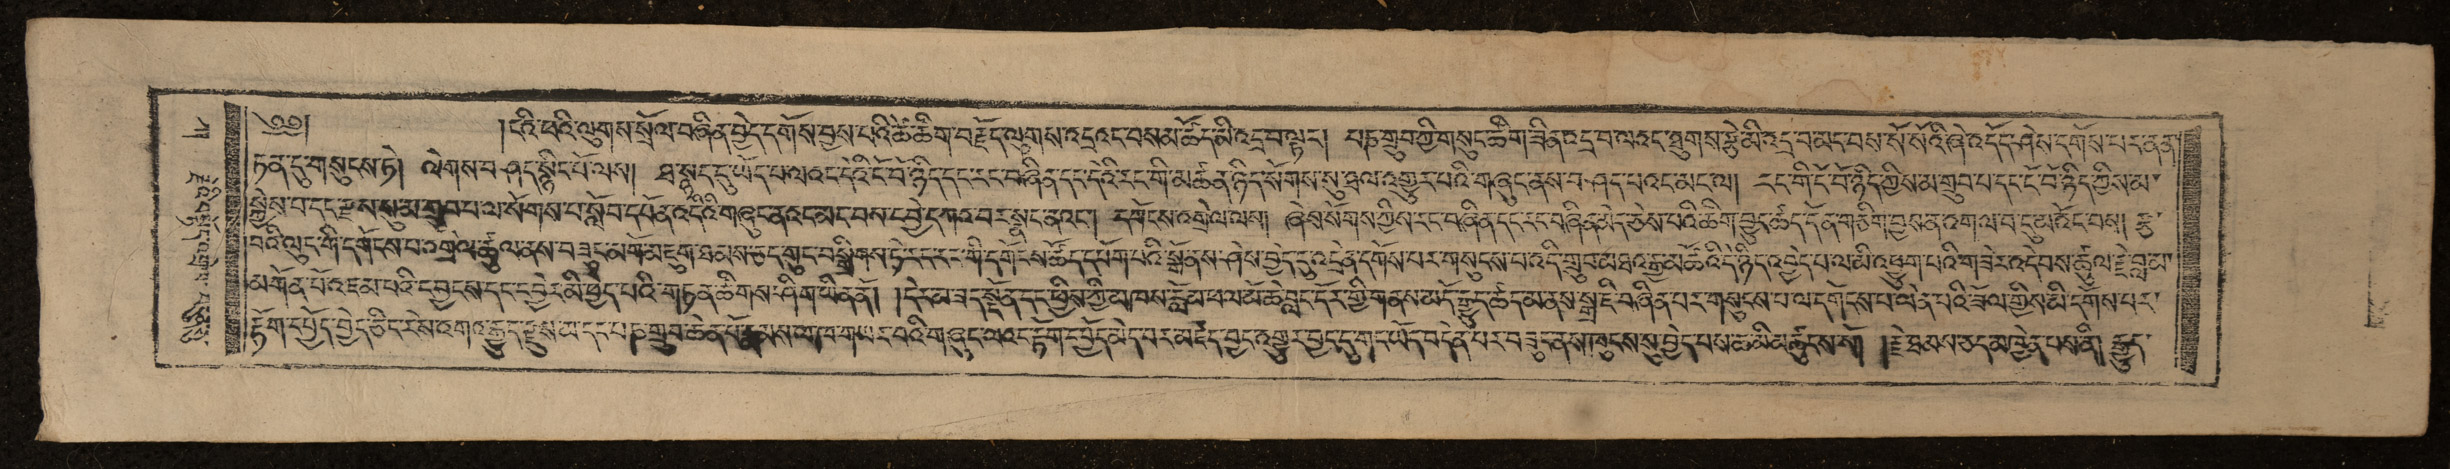༄༅། །ངའི་ཕུའི་ལུགས་སྲོལ་བཞིན་བྱེད་དགོས་བྱས་པའི་ཚེ་ཚིག་བརྗོད་ལུགས་འདྲའང་བསམ་ཚོད་མི་འདྲ་བ་ལྟར། པཎ་གྲུབ་ཀྱི་གསུང་ཚིག་ཟིན་འདྲ་བ་ལའང་ཐུགས་རྩེ་མི་འདྲ་བ་མང་བས་སོ་སོའི་ཞི་འདོད་ཤེས་དགོས་པར་ནན་
ཏན་དུ་གསུངས་ཏེ། ལེགས་བཤད་སྙིང་པོ་ལས། ཐ་སྙད་དུ་ཡོད་པ་ལའང་དེའི་ངོ་བོ་ཉིད་དང་རང་བཞིན་དང་དེའི་རང་གི་མཚན་ཉིད་སོགས་སུ་ཐལ་འགྱུར་བའི་གཞུང་ནས་བཤད་པའང་མངལ། རང་གི་ངོ་བོ་ཉིད་ཀྱིས་མ་གྲུབ་པ་དང་ངོ་བོ་ཉིད་ཀྱིས་མ་
སྐྱེས་པ་དང་རྫས་སུ་མ་གྲུབ་པ་ལ་སོགས་པ་སློབ་དཔོན་འདིའི་གཞུང་ནའང་མང་བས་དབྱེ་དཀའ་བར་སྣང་ནའང་། དགོངས་འགྲེལ་ལས། ཞེས་སོགས་ཀྱིས་རང་བཞིན་དང་རང་བཞིན་མེད་ཅེས་བའི་ཚིག་བྱུང་ཚད་དོན་གཅིག་བྱས་ན་འགལ་བ་དུ་མ་འོང་བས། རྩ་
བའི་ལུང་གི་དགོངས་པ་འགྲེལ་ཚུལ་ནས་གཟུང་མགོ་མཇུག་ཐམས་ཅད་གུང་བསྒྲིགས་ཏེ་རང་རང་གི་དགོངས་ཚོད་དཔོག་པའི་སྒོ་ནས་ཤེས་བྱེད་དུ་འདྲེན་དགོས་པར་གསུངས་པ་འདི་གྲུབ་མཐའ་རྒྱ་མཚོའི་དེ་ཉིད་འབྱེད་པ་ལ་མི་འཕྱུག་པའི་གཟེར་འདེབས་ཚུལ་རྗེ་བླ་མ་
མགོན་པོ་འཇམ་པའི་དབྱངས་དང་དབྱེར་མི་བྱེད་པའི་གཏན་ཚིགས་ཤིག་ཡིན་ནོ། །དེར་མ་ཟད་སྤོན་དང་ཕྱིས་ཀྱི་མཁས་རློམ་ཕལ་མོ་ཆེ་བླང་དོར་གྱི་གནས་མདོ་རྒྱུད་ཚད་མ་ནས་སྒྲ་ཇི་བཞིན་པར་གསུངས་པ་ལ་དགོངས་པ་ལེན་པའི་ཟོལ་གྱིས་མི་དགོས་པར་
རྟོག་དཔྱོད་བྱེད་ཅིང་རེས་འགའ་རྒྱུད་རྫུས་མ་དང་པཎ་གྲུབ་ཆེན་པོ་རྣམས་ལ་ཁ་གཡར་བའི་གཞུང་ལའང་རྟོག་དཔྱོད་མེད་པར་མཛད་བྱང་ཆུབ་འགྱུར་བྱང་དུ་གང་ཡོད་བདེན་བར་བཟུང་ནས་ཁུངས་སུ་བྱེད་པས་ཆ་མི་མཚུངས་སོ། །རྗེ་ཐམས་ཅད་མཁྱེན་པས་ནི། རྒྱུད་